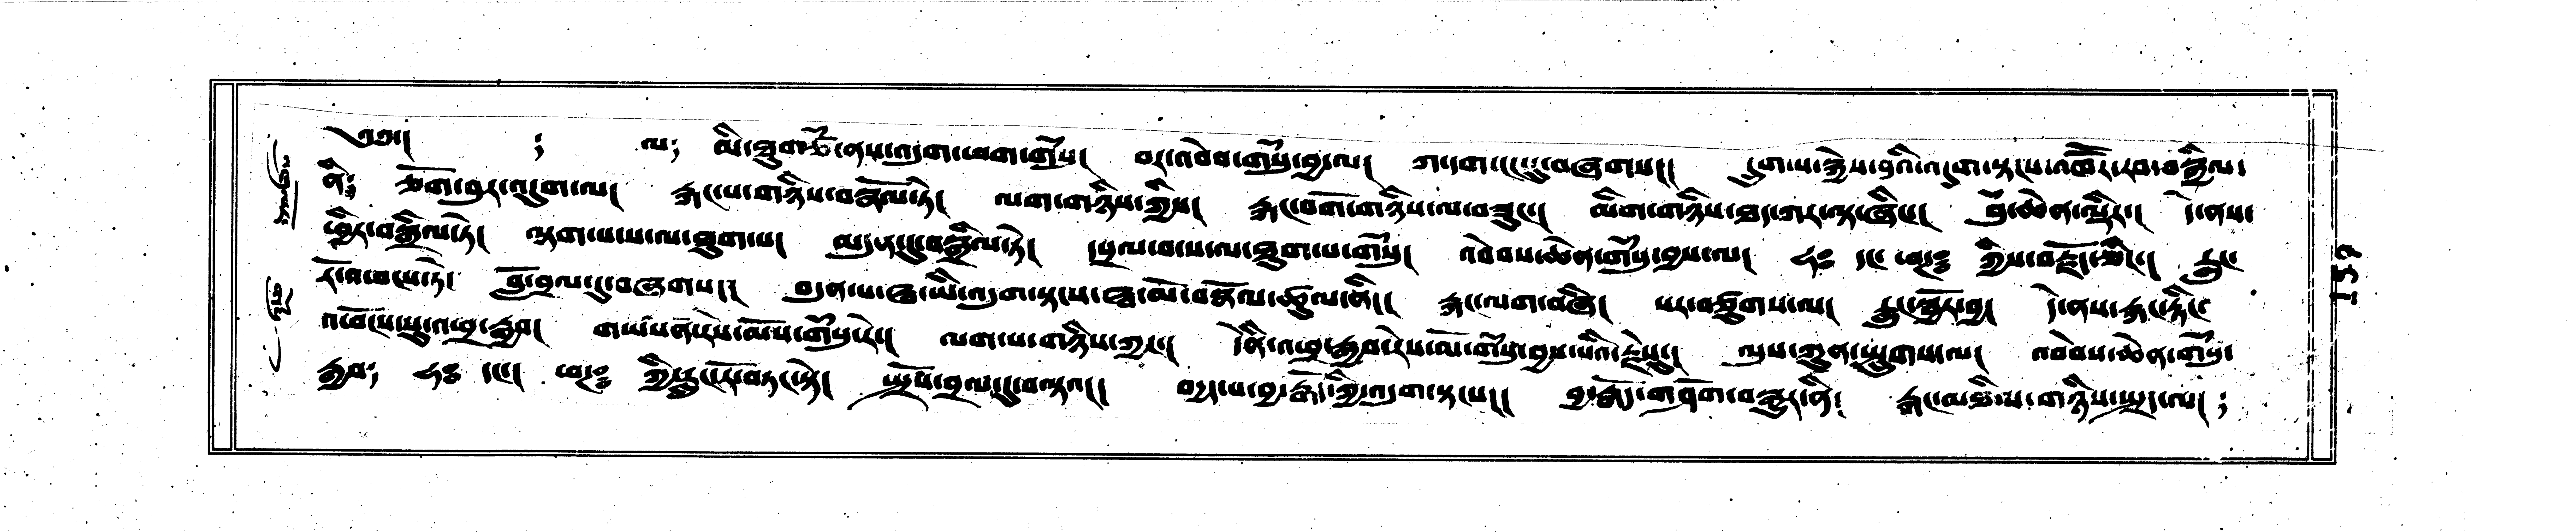ལ་མི་ཐུབ་ཙམ་ནས་འདུག་ཕག་གསུམ། བར་འབེབས་གསུམ་བྱ་ལ། ཀ་དག་ངང་དུ་བཞག དྲུག་པ་སྐྱེས་བུའི་འདུག་སྟངས་འཁོར་ལོ་རབ་བསྐྱིལ་
ནི། ཅོག་པུར་འདུག་ལ། རྐང་པ་གཉིས་བསྣོལ་ཏེ། ལག་གཉིས་ཀྱིས་རྐང་འགོ་གཉིས་ལ་བཟུང་། མིག་གཉིས་ཐད་ཀར་བལྟ་ཞིང་བུམ་ཆེན་ལྡིར། དེ་ནས་
ཕྱིར་བསྒྲིལ་ཏེ། ལྟག་པ་ས་ལ་ཐུག་པ། མདུན་དུ་བསྒྲིལ་ཏེ། དཔྲལ་བ་ས་ལ་ཐུག་པ་གསུམ། འབེབས་ཆེན་གསུམ་བྱ་ལ། ཧཿ དང་ཕཊཿཀྱིས་བརྗོད་ཅིང་རླུང་
རོ་འཕངས་ཏེ། བློ་བྲལ་དུ་བཞག །བདུན་པ་ཝ་ཡི་འདུག་སྟངས་ཝ་མོ་བསྒོམ་ཚུལ་ནི། རྐང་ལག་བཞི་སར་བཙུགས་ལ། རླུང་སྦྱོར་བྱ། དེ་ནས་རྐང་རྟིང་
འཕོངས་སུ་འཕྲ་རྒྱས། གཡས་གཡོན་རེས་མོས་གསུམ་རེ། ལག་པ་གཉིས་ཀྱང་དེ་བཞིན་འཕྲ་རྒྱས་རེས་མོས་གསུམ་བྱས་པའི་རྗེས་སུ་ལུས་ཀུན་སྤྲུགས་ལ། འབེབས་ཆེན་གསུམ་
བརྒྱབས། ཧཿ དང་ཕཊཿ ཀྱིས་རླུང་རོ་བཏང་སྟེ་སྤྲོས་བྲལ་དུ་བལྟ། བརྒྱད་པ་བྱ་རྒོད་ཀྱི་འདུག་སྟངས། བྱ་རྒོད་གཤོག་སྒྱུར་ནི། རྐང་མཐིལ་གཉིས་སྤྲད་ལ།